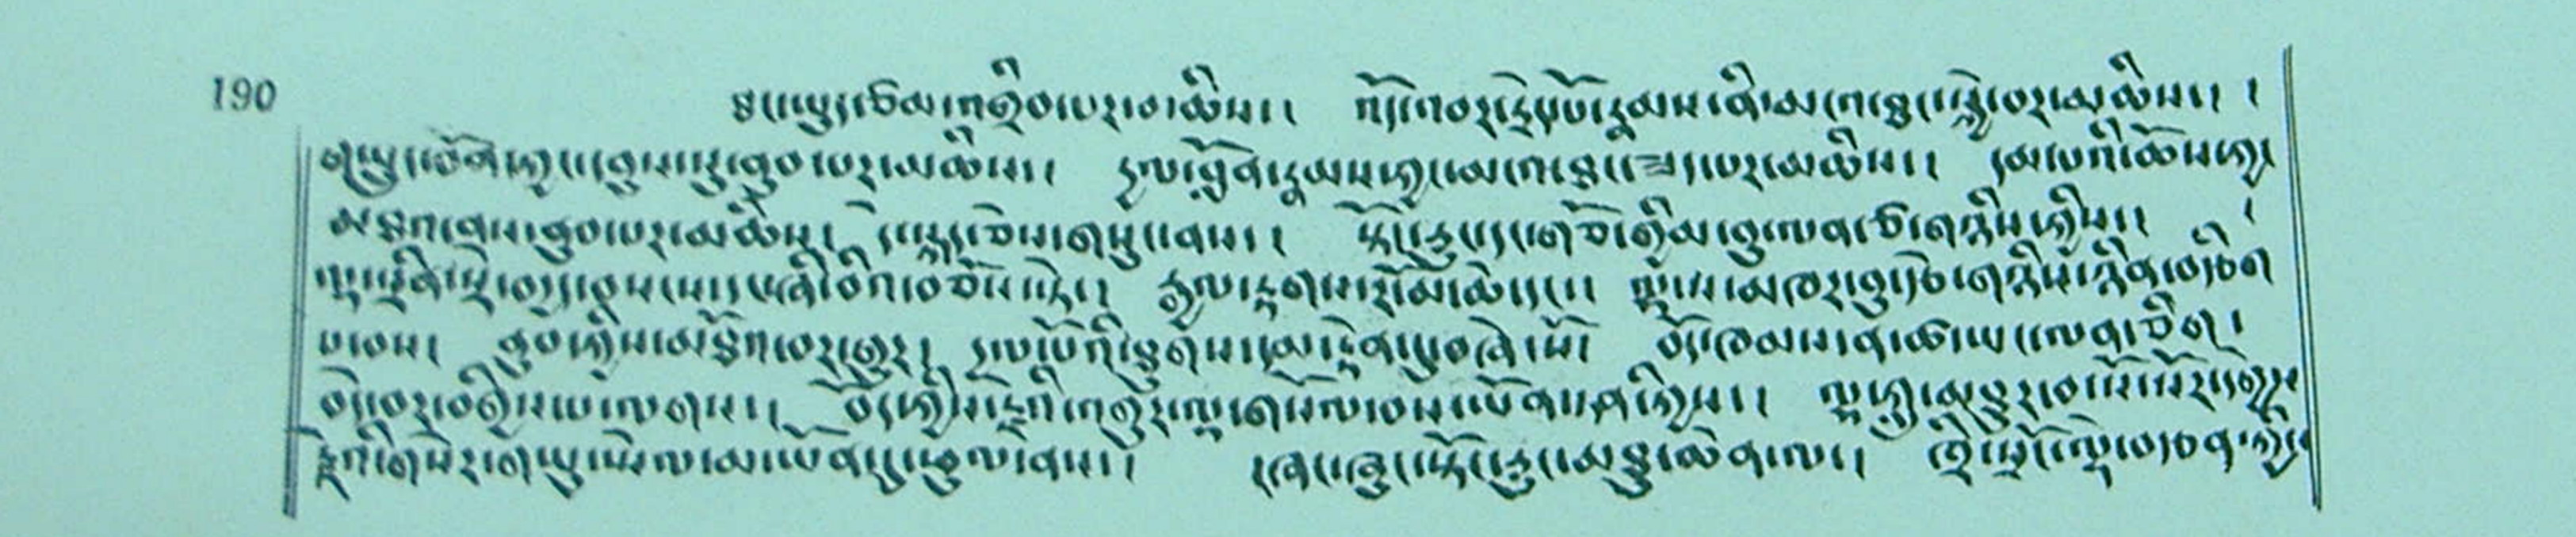ཐང་ཡུད་ཙམ་འགྲིབ་པར་མཆིས། འོད་འབར་དྲེད་པོ་རྣམས་ནི་མངའ་ཐང་སྐྱེ་བར་མཆིས། 
གཡུང་དྲུང་བོན་ཀྱང་དབུས་སུ་ནུབ་པར་མཆིས། རྒྱལ་བློན་རྣམས་ཀྱང་མངའ་ཐང་ཟད་པར་མཆིས། དམ་པའི་ཆོས་ཀྱང་
མཐའ་ནས་ནུབ་པར་མཆིས། དེ་སྐད་ཅེས་གསུངས་ནས། སྟོང་རྒྱུང་དང་གཅོ་གྱིམ་བུ་ལན་ཙ་གཉིས་ཀྱིས། 
ལྷ་སྲིན་སྡེ་བརྒྱད་བསངས་དང་ཞི་བའི་བཅོས་ཏེ། རྒྱ་སྟག་ར་མོ་ཆེ་དང་། ལྷ་ས་མཁར་དབུ་རྩེ་གཉིས་བརྩིགས་
པ་བས། ནུབ་ཀྱིས་མཐོའ་བར་གྱུར། རྒྱལ་བོའི་ཐུགས་དམ་རྟེན་དུ་བཞེངསོ། བོད་ཁམས་ཀྱི་ན་ཚ་ཡང་ལན་གཅིག་
བདེ་བར་བགྱིས་པ་ལགས། །བོད་ཀྱི་རྗེའུ་མགུར་ལྷ་གསོལ་བས་ཡོན་ཏན་གྱིས། ལྷ་ཀླུ་མཐུར་བ་སོ་སོར་དགྱེས། 
རྗེའི་གསེར་གཡུ་སྤེལ་མ་ཡོན་དུ་ཕུལ་ནས། ཞང་ཞུང་སྟོང་རྒྱུང་མཐུ་ཆེན་ལ། ཁྲི་སྲོང་ལྡེ་བཙན་གྱིས་